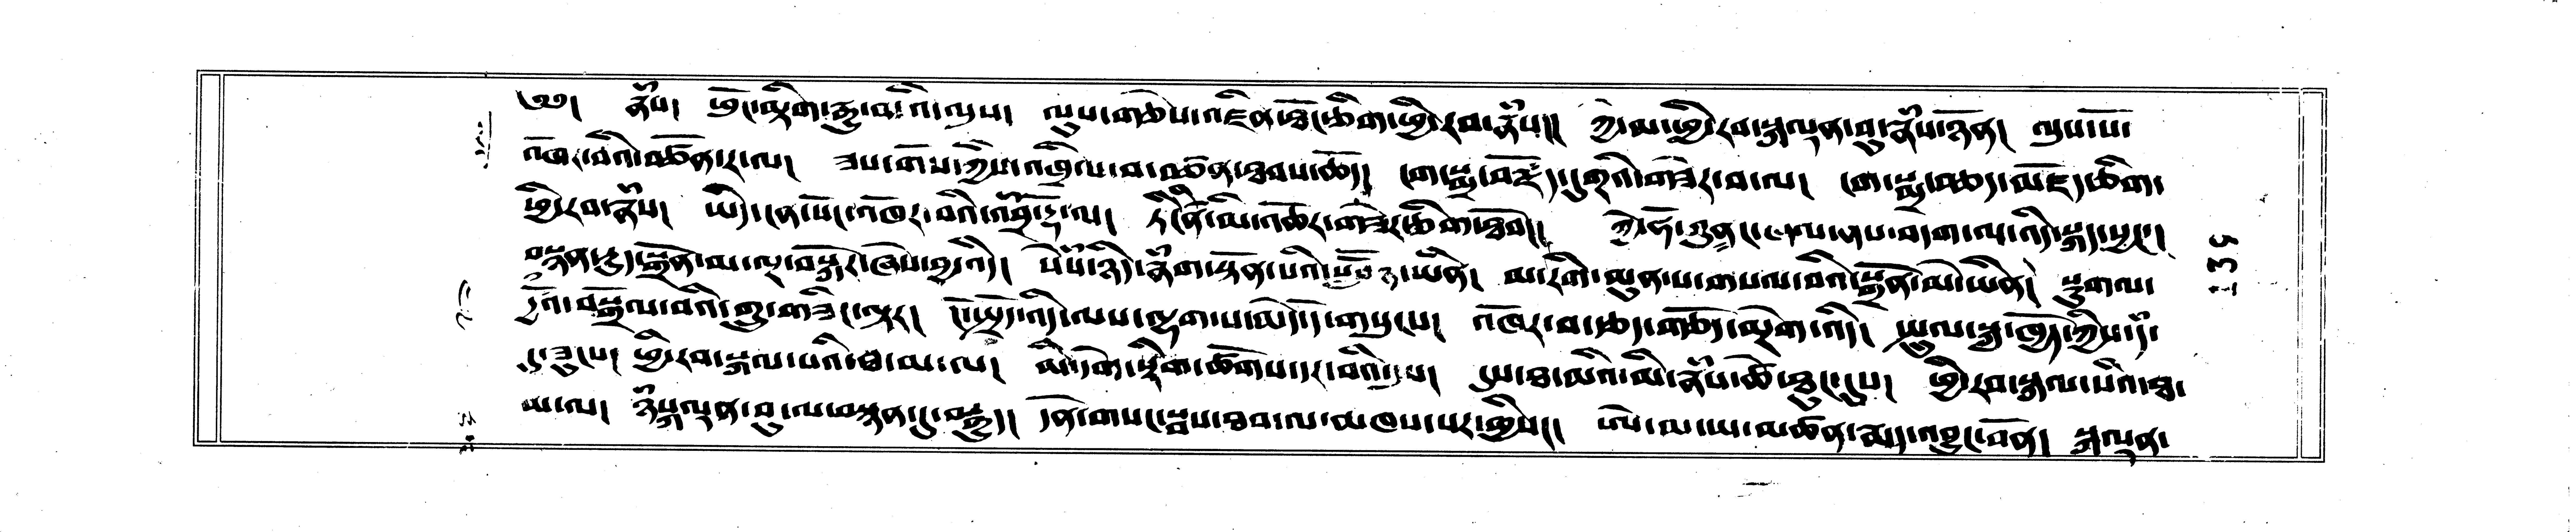རྣམས། ཕུང་པོ་མི་རྟག་སྒྱུ་མའི་ལུས། ལུས་གཅེས་འཛིན་ཐོང་ཅིག་ཕྱི་རབས་རྣམས། ཀྱེ་མ་ཕྱི་རབས་སྐལ་ལྡན་བུ་རྣམས་ཉོན། ལུས་པོ་
འཁོར་བའི་བཙོན་རྭ་ལ། ཟས་གོས་ཀྱི་འཁྲི་བ་བཙན་ཐབས་ཆོད། ངག་སྨྲ་བརྗོད་དུག་ལྔའི་གཟེར་བ་ལ། ངག་སྨྲ་བཅད་མཛོད་ཅིག་
ཕྱི་རབས་རྣམས། ཡིད་ངན་སོང་འཁོར་བའི་འབྲམ་རྡོ་ལ། ཏིང་འཛིན་མི་འཆོར་གཟེར་ཅིག་ཐོབ། །ཀྱེ་ཧོ་ཀུན་བཟང་ཞལ་ནས་བདག་ལ་འདི་སྐད་གསུངས། 
སྙན་རྒྱུད་སྒྲོན་མ་ལྔ་བསྐོར་ཞེས་བྱ་འདི། སེམས་ཉིད་རྣམ་དག་སྟོན་པའི་སློབ་དཔོན་ཡིན། མ་རིག་མུན་པ་གསལ་བའི་སྒྲོན་མེ་ཡིན། སྡུག་
བསྔལ་རྒྱ་མཚོ་སྒྲོལ་བའི་གྲུ་གཟིངས་ལྟར། ངོ་སྤྲོད་འདི་བས་ལྷག་པ་མེད་དོ་གསུངས། འཁོར་བ་མན་ངག་རྩད་གཅོད་མན་ངག་འདི། སྤྲུལ་སྐུ་ཁྱོད་ཀྱིས་དམ་
དུ་ཟུངས། ཕྱི་རབས་བསྐལ་པའི་ཐ་མ་ལ། མི་དགེ་སྡིག་ཚོགས་དར་བའི་དུས། དུས་ཐ་མའི་མི་རྣམས་ཚེ་ཐུང་དུས། ཕྱི་རབས་བསྐལ་པའི་ཐ་
མ་ལ། ཉམས་སྐལ་ལྡན་བུ་ལ་སྙན་དུ་བརྒྱུད། དོན་གསང་སྦས་ཐབས་ལ་མཁས་པར་གྱིས། ཨེ་མ་ཡ་མཚན་རྨད་འབྱུང་བོན། སྐལ་ལྡན་